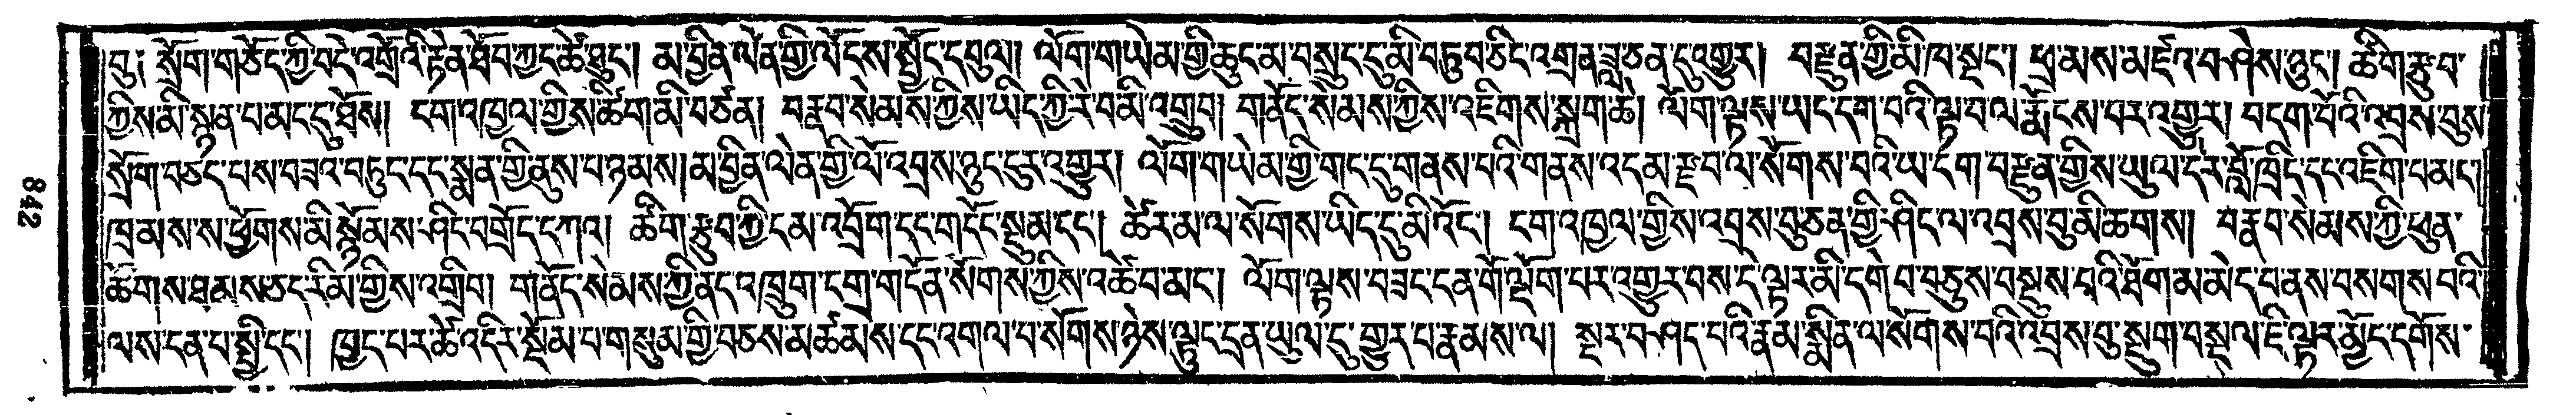བུ༑ སྲོག་གཅོད་ཀྱི་བདེ་འགྲོའི་རྟེན་ཐོབ་ཀྱང་ཚེ་ཐུང་། མ་བྱིན་ལེན་གྱི་ལོངས་སྤྱོད་དབུལ། ལོག་གཡེམ་གྱི་ཆུང་མ་བསྲུང་དུ་མི་བཏུབ་ཅིང་འགྲན་ཟླ་ཅན་དུ་འགྱུར། བརྫུན་གྱི་མི་ཁ་སྡང་། ཕྲ་མས་མཛའ་བཤེས་ཉུང་། ཚིག་རྩུབ་
ཀྱིས་མི་སྙན་པ་མང་དུ་ཐོས། ངག་འཁྱལ་གྱིས་ཚིག་མི་བཙན། བརྣབ་སེམས་ཀྱིས་ཡིད་ཀྱི་རེ་བ་མི་འགྲུབ། གནོད་སེམས་ཀྱིས་འཇིགས་སྐྲག་ཆེ། ལོག་ལྟས་ཡང་དག་བའི་ལྟ་བ་ལ་རྨོངས་པར་འགྱུར། བདག་པོའི་འབྲས་བུས་
སྲོག་བཅད་པས་བཟའ་བཏུང་དང་སྨན་གྱི་ནུས་པ་ཉམས། མ་བྱིན་ལེན་གྱི་ལོ་འབྲས་ཉུང་དུར་འགྱུར། ལོག་གཡེམ་གྱི་གང་དུ་གནས་པའི་གནས་འདམ་རྫ་བ་ལ་སོགས་བའི་ཡ་དག་བརྫུན་གྱིས་ཡུལ་དེར་བློ་ཁྲིད་དང་འཇིག་པ་མང་།
ཁྲམས་ས་ཕྱོགས་མི་སྙོམས་ཤིང་བགྲོད་དཀའ། ཚིག་རྩུབ་ཀྱི་དམ་འབྲོག་དང་གདོང་སྡུམ་དང་། ཚེར་མ་ལ་སོགས་ཡིད་དུ་མི་འོང་། ངག་འཁྱལ་གྱིས་འབྲས་བུ་ཅན་གྱི་ཤིང་ལ་འབྲས་བུ་མི་ཆགས། བརྣབ་སེམས་ཀྱི་ཕུན་
ཚོགས་ཐམས་ཅད་རིམ་གྱིས་འགྲིབ། གནོད་སེམས་ཀྱི་ནད་འཁྲུག་དགྲ་གདོན་སོགས་ཀྱིས་འཚེ་བ་མང་། ལོག་ལྟས་བཟང་ངན་གོ་ལྡོག་པར་འགྱུར་བས་དེ་ལྟར་མི་དགེ་བ་བཅུས་བསྡུས་པའི་ཐོག་མ་མེད་པ་ནས་བསགས་པའི་
ལས་ངན་པ་སྤྱི་དང་། ཁྱད་པར་ཚེ་འདིར་སྡོམ་པ་གསུམ་གྱི་བཅས་མཚམས་དང་འགལ་བ་སོགས་ཉེས་ལྟུང་དྲན་ཡུལ་དུ་གྱུར་པ་རྣམས་ལ། སྔར་བཤད་པའི་རྣམ་སྨིན་ལ་སོགས་བའི་འབྲས་བུ་སྡུག་བསྔལ་ཇི་ལྟར་མྱོང་དགོས་